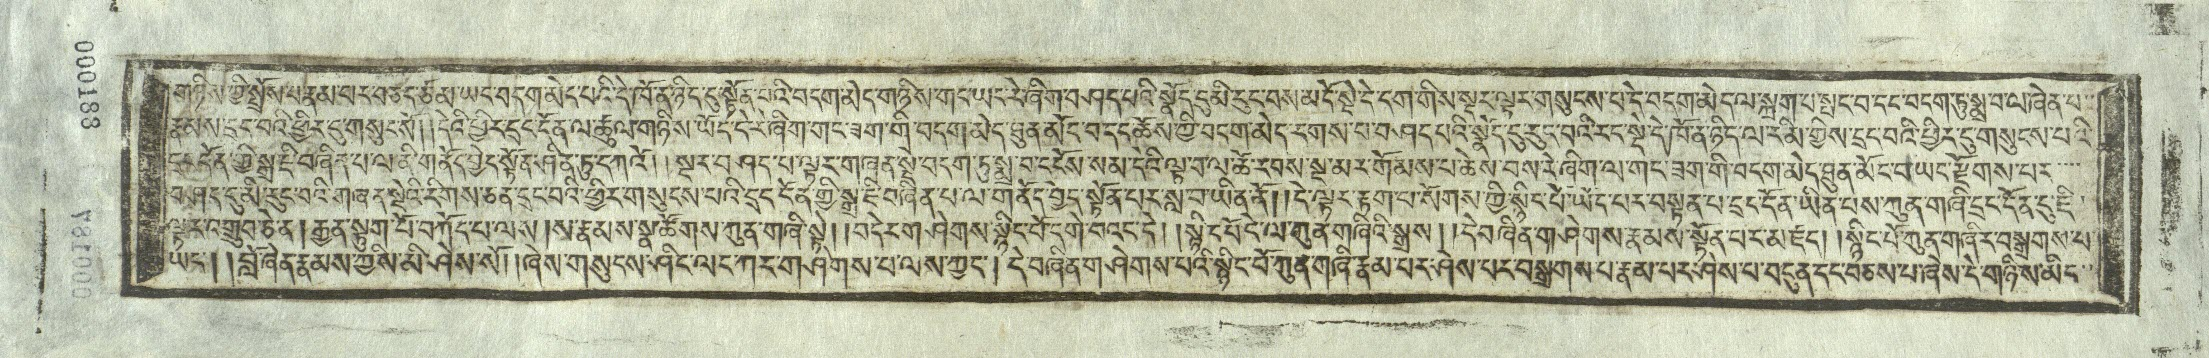གཉིས་ཀྱི་སྤྲོས་པ་རྣམ་པར་བཅད་ཙམ་ཡང་བདག་མེད་པའི་དེ་ཁོ་ན་ཉིད་དུ་སྟོན་པའི་བདག་མེད་གཉིས་གང་ཡང་རེ་ཞིག་བཤད་པའི་སྣོད་དུ་མི་རུང་བས་མདོ་སྡེ་དེ་དག་གིས་སྔར་ལྟར་གསུངས་པ་དེ་བདག་མེད་ལ་སྐྲག་པ་སྤང་བ་དང་བདག་ཏུ་སྨྲ་བ་ལ་ཞེན་པ་
རྣམས་དྲང་བའི་ཕྱིར་དུ་གསུངས་སོ། །དེའི་ཕྱིར་དྲང་དོན་ལ་ཚུལ་གཉིས་ཡོད་དེ་རེ་ཞིག་གང་ཟག་གི་བདག་མེད་ཐུན་མོང་བ་དང་ཆོས་ཀྱི་བདག་མེད་རགས་པ་བཤད་པའི་སྣོད་དུ་རུང་བའི་རང་སྡེ་དེ་ཁོ་ན་ཉིད་ལ་རིམ་གྱིས་དྲང་བའི་ཕྱིར་དུ་གསུངས་པའི་
དྲང་དོན་?་གྱི་སྒྲ་ཇི་བཞིན་པ་ལ་ནི་གནོད་བྱེད་སྟོན་ཤིན་ཏུ་དཀའོ། །སྔར་བཤད་པ་ལྟར་གཞན་སྡེ་བདག་ཏུ་སྨྲ་བ་དངོས་སམ་དེའི་ལྟ་བ་ལ་ཚེ་རབས་སྔ་མར་གོམས་པ་ཆེས་པས་རེ་ཞིག་ལ་གང་ཟག་གི་བདག་མེད་ཐུན་མོང་བ་ཡང་རྫོགས་པར་
བཤད་དུ་མི་རུང་བའི་གཞན་སྡེའི་རིགས་ཅན་དྲང་བའི་ཕྱིར་གསུངས་པའི་དྲང་དོན་གྱི་སྒྲ་ཇི་བཞིན་པ་ལ་གནོད་བྱེད་སྟོན་པར་སླ་བ་ཡིན་ནོ། །དེ་ལྟར་རྟག་པ་སོགས་ཀྱི་སྙིང་པོ་ཡོད་པར་བསྟན་པ་དྲང་དོན་ཡིན་པས་ཀུན་གཞི་དྲང་དོན་དུ་ཇི་
ལྟར་འགྲུབ་ཅེ་ན། རྒྱན་སྟུག་པོ་བཀོད་པ་ལས། ས་རྣམས་སྣ་ཚོགས་ཀུན་གཞི་སྟེ། །བདེར་གཤེགས་སྙིང་པོ་དགེ་བའང་དེ། །སྙིང་པོ་དེ་ལ་ཀུན་གཞིའི་སྒྲས། །དེ་བཞིན་གཤེགས་རྣམས་སྟོན་པར་མཛད། །སྙིང་པོ་ཀུན་གཞིར་བསྒྲགས་པ་
ཡང༑ ༑བློ་ཞེན་རྣམས་ཀྱིས་མི་ཤེས་སོ། །ཞེས་གསུངས་ཤིང་ལང་ཀར་གཤེགས་པ་ལས་ཀྱང་། དེ་བཞིན་གཤེགས་པའི་སྙིང་པོ་ཀུན་གཞི་རྣམ་པར་ཤེས་པར་བསྒྲགས་པ་རྣམ་པར་ཤེས་པ་བདུན་དང་བཅས་པ་ཞེས་དེ་གཉིས་མིང་